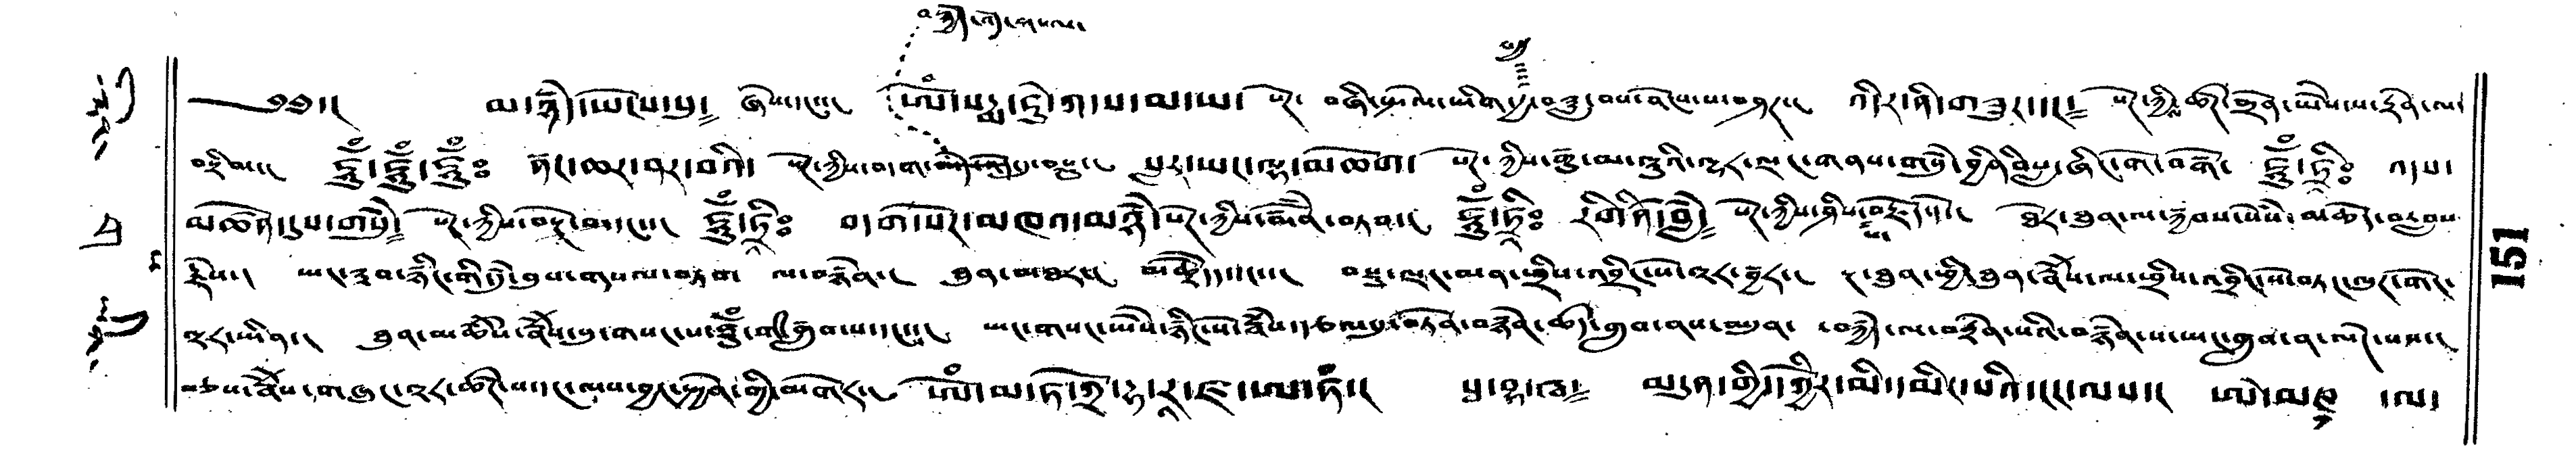མ་སྙེད་ཡོངས་སུ་ཞེས་དང་། ཨོཾ་པདྨ་ཧེ་རུ་ཀ་ས་མ་ཡ་སོགས་བཞི་སྤེལ་ཡིག་བརྒྱ་བཟླས་བས་ནོངས་པ་བཤགས། འདིར་ནི་གཟུགས་དང་སོགས་ཀྱིས་ཚོགས་མགྲོན་ཡེ་ཤེས་པ་རྟེན་ལ་
བསྟིམ། ཧཱུྃ་ཧཱུྃ་ཧཱུྃ༔ སྣང་འཆར་ཤར་བའི་སོགས་ཀྱིས་བདག་བསྐྱེད་འོད་གསལ་དུ་བསྡུ། སླར་ཡང་ལྷ་མཆོག་སོགས་ཀྱིས་སྒྱུ་མ་ལྟ་བུའྀ་ལྷར་ལྡང་གནས་གསུམ་བྱིན་གྱིས་བརླབས་ཤིང་གོ་བསྒོ། ཧཱུྃ་ཧྲཱི༔ འདས་
མཚོན་དུས་གསུམ་སོགས་ཀྱིས་བསྔོ་བ་དང་། ཧཱུྃ་ཧྲཱི༔ བདག་སོགས་མཁའ་མཉམ་སོགས་ཀྱིས་སྨོན་ལམ་བཏབ། ཧཱུྃ་ཧྲཱི༔ རིག་འཛིན་བླ་མ་སོགས་ཀྱིས་ཤིས་པ་བརྗོད་དོ། ཐོར་ཐུན་ལ་སྐྱབས་སེམས་མཆོད་བརླབས་
རྗེས། ཡང་ཟབ་སྙིང་གི་དུམ་བུས་གསལ་བཏབ་ལ་བསྙེན། ཐུན་མཐར་མཆོད་བསྟོད་དང་། བསྡུ་ལྡང་མན་ཕྲིན་ལས་འབྲིང་པོ་ལྟར་སྦྱར། སྔ་ཐུན་ཕྱི་ཐུན་རྣམས་ལ་ཕྲིན་ལས་འབྲིང་པོ་གཏོང་ལུགས་གོང་
ལྟར་ཡིན། ཐུན་མཚམས་རྣམས་སུ་གསང་བ་ཧཱུྃ་གི་སྒྲུབ་པ་དང་། ཡང་གསང་ཡེ་ཤེས་སྙིང་པོ་རྣམས་རྩལ་དུ་བཏོན་བསྙེན་ཚད་གྲུབ་ནས་མདུན་ བསྐྱེད་ལ་བརྟེན་པའི་བསྙེན་པ་ཡང་གྲུབ་ན་ལེགས་པས་
བཅས་རྣམས་གཞུང་ལྟར་ཚོགས་པ་དང་ལས་བྱང་སྤྱན་འདྲེན་གྱི་མགོར། ཨོཾ་མ་ཧ་ཀྲོ་དྷ་རཱ་ཛ་ཨ་ཧཾ། སྭ་བྷ་ཝ༴ མདུན་གྱི་དཀྱིལ་འཁོར་མི་དམིགས་པའི་ངང་ལས། ཨི་མཎཱ། ཨ་